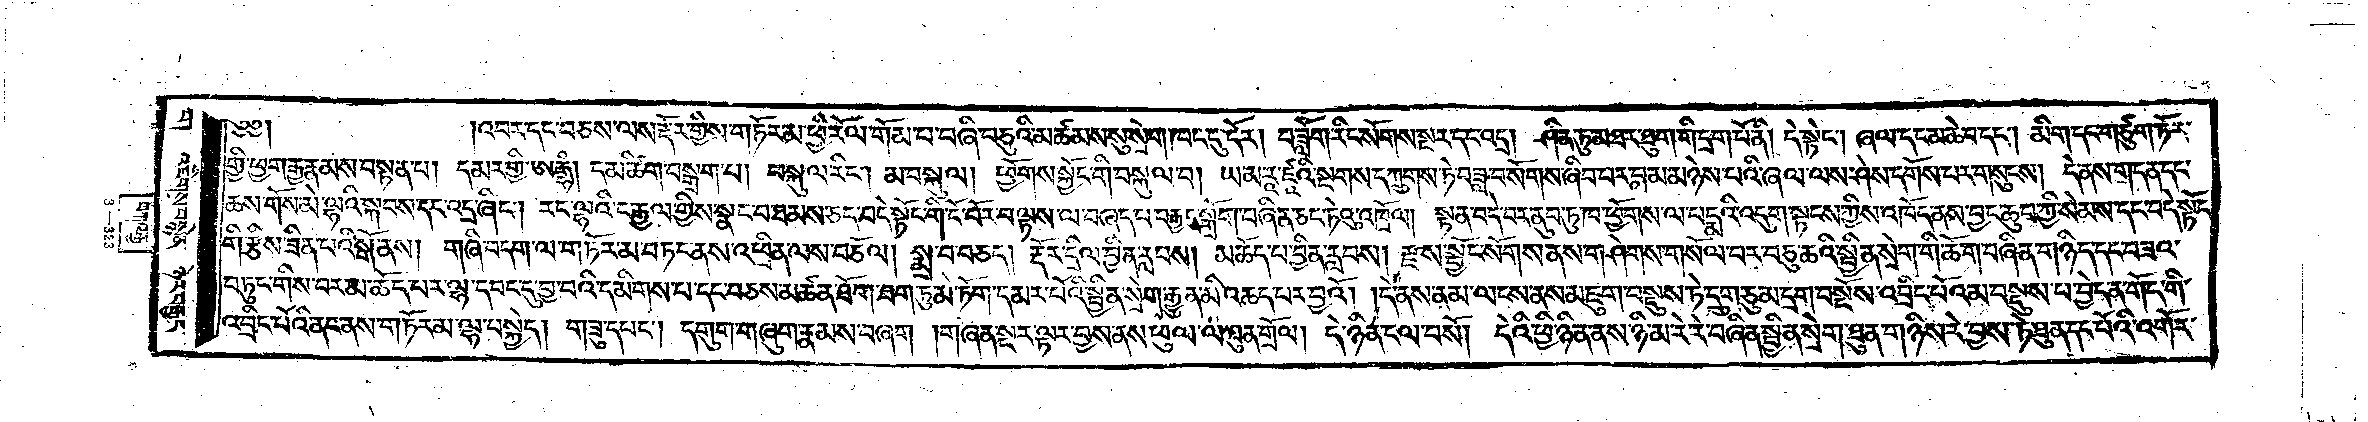༄༅། །འབར་དང་བཅས་ལས་རྡོར་གྱིས་གཏོར་མ་ཕྱི་རོལ་གོམ་པ་བཞི་བཅུའི་མཚམས་སུ་སྲེག་ཁང་དུ་དོར། བཟློག་རིང་སོགས་སྔར་དང་འདྲ། ཤིན་ཏུ་མཐར་ཐུག་གི་དྲག་པོ་ནི། དེ་སྟེང་། ཞལ་དང་མཆེ་བ་དང་། མིག་དང་གཙུག་ཏོར་
གྱི་ཕྱག་རྒྱ་རྣམས་བསྟན་པ། དམར་གྱི་ཨརྒྷཾ། དམ་ཚིག་བསྒྲག་པ། བསྐུལ་རིང་། མ་བསྐུལ། ཕྱོགས་སྐྱོང་གི་བསྐུལ་བ། ཡ་མ་རཱ་ཛྙཱི་སྔགས་དཀྲུགས་ཏེ་བཟླ་བ་སོགས་ཞིབ་བར་བླ་མ་མཉེས་པའི་ཞལ་ལས་ཤེས་དགོས་པར་གསུངས། དེ་ནས་གདན་དང་
ཆས་གོས་མེ་ལྷའི་སྐབས་དང་འདྲ་ཞིང་། རང་ལྷའི་ང་རྒྱལ་གྱིས་སྣང་བ་ཐམས་ཅད་བདེ་སྟོང་གི་ངོ་བོར་བལྟས་ལ་བཞད་པ་བརྒྱད་སྒྲོག་བཞིན་ཅང་ཏེའུ་འཁྲུལ། སྟན་བདེ་བར་ནུབ་ཏུ་ཁ་ཕྱོགས་ལ་པདམའི་འདུག་སྟངས་ཀྱིས་འཁོད་ནས་བྱང་ཆུབ་ཀྱི་སེམས་དང་བདེ་སྟོང་
གི་རྩིས་ཟིན་པའི་སྒོ་ནས། གཞི་བདག་ལ་གཏོར་མ་བཏང་ནས་འཕྲིན་ལས་བཅོལ། སྨྲ་བ་བཅད། རྡོར་དྲིལ་བྱིན་རླབས། མཆོད་པ་བྱིན་རླབས། རྫས་སྦྱོང་སོས་ནམ་གཤེགས་གསོལ་བར་བཅུ་ཆའི་སྦྱིན་སྲེག་གི་ཆོག་བཞིན་གཉིད་དང་བཟའ་
བཏུང་གིས་བར་མཆོད་པར་ལྷ་དབང་དུ་བྱ་བའི་དམིགས་པ་དང་ཅས་མཚན་ཐོག་ཐག་ཏུ་མེ་ཏོག་དམར་པོའི་སྦྱིན་སྲེག་རྒྱུན་མི་འཆད་པར་བྱའོ། །དེ་ནས་ནམ་ལངས་ནས་མཇུག་བསྡུས་ཏེ་དྲུག་ཅུ་མ་དྲག་བསྡོས་འབྲིང་པོའམ་བསྡུས་པ་བྱེད་ན་གོང་གི་
འབྲིང་པོའི་ནང་ནས་གཏོར་མ་ལྷ་བསྐྱེད། གཟུ་དབང་། དགུག་གཞུག་རྣམས་བཞག །གཞན་སྔར་ལྟར་བྱས་ནས་ཕུལ་ལ་ཐུན་གྲོལ། དེ་ཉིན་ངལ་བསོ། དེའི་ཕྱི་ཉིན་ནས་ཉི་མ་རེ་རེ་བཞིན་སྤྱིན་སྲེག་ཐུན་གཉིས་རེ་བྱས་ཏེ་ཐུན་དང་པོའི་འགོར་